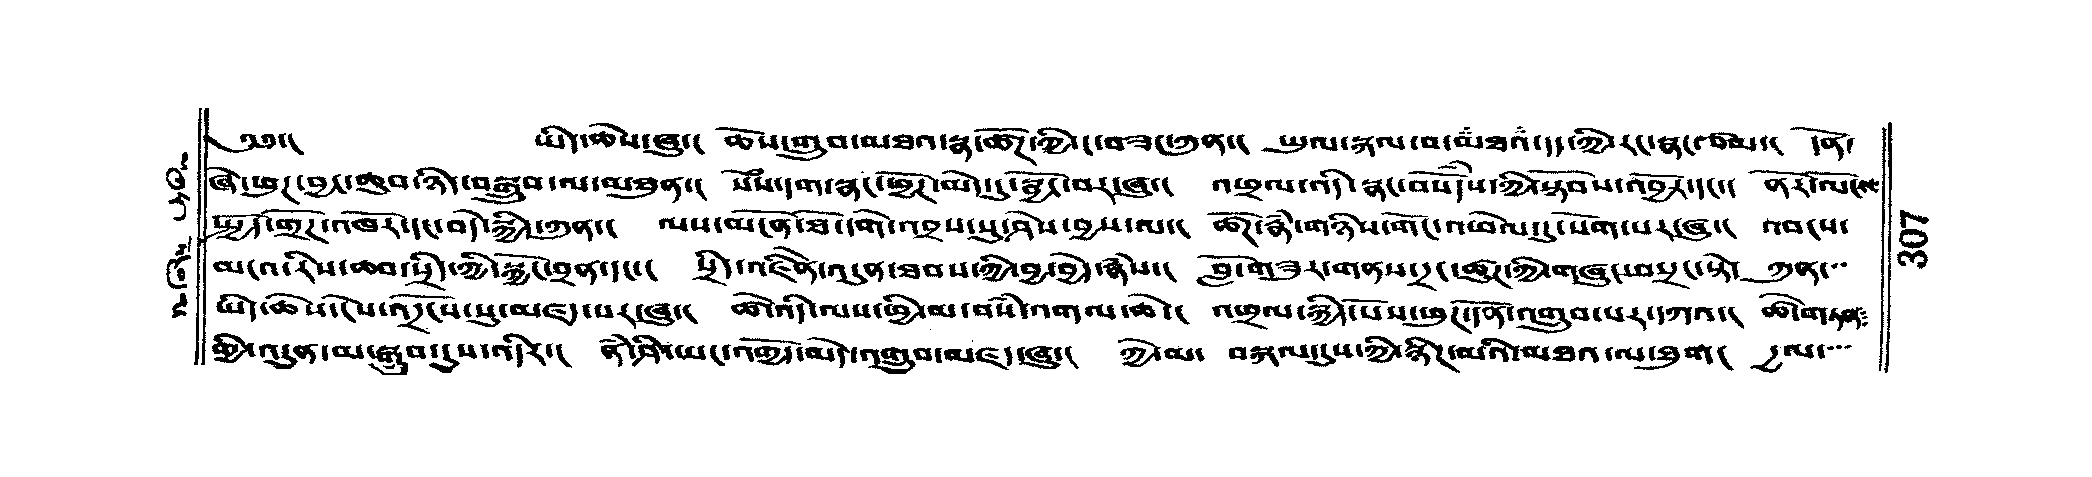ཡིད་ཆེས་ཞུ། །ཆོས་གྲུབ་མཐའ་སྣ་ཚོགས་ཀྱི་ང་བཟང་ཀུན། །ཡུལ་སྐལ་བ་ཐ་དད་ཀྱི་རང་སྣང་ཙམ། །དོན་
ཞེ་ཕུགས་བྱང་ཆུབ་ཉིད་བསྒྲུབ་ལ་མཐུན། །སེམས་དག་སྣང་ཕྱོགས་མེད་དུ་སྦྱོང་བར་ཞུ། །འཕྲལ་འདི་སྣང་བསོད་ནམས་ཀྱི་སྟོབས་འབྱོར་དང་། །ནོར་ལོངས་
སྤྱོད་གྲོགས་འཁོར་དང་བདེ་སྐྱིད་ཀུན། །ལས་མངོན་ཐོ་དགེ་འབྲས་སུ་ཤེས་བྱ་ལ། །ཚོགས་རྣམ་གཉིས་གོང་འཕེལ་དུ་སོག་པར་ཞུ། །འབངས་
མངའ་རིས་ཆབ་སྲིད་ཀྱི་སྐྱོང་བྲན་དང་། །སྲིད་འཇིག་རྟེན་འདུན་ཐབས་ཀྱི་བྱ་བྱེད་རྣམས། །བློ་གཟུར་གནས་དྲང་ཚུགས་ཀྱི་གཞུང་བསྲང་སྟེ། །ཀུན་
ཡིད་ཆེས་ངེས་འདྲོངས་སུ་མཛད་པར་ཞུ། །ཚེ་འདི་ལས་ཕྱི་མ་བསམ་གལ་ཆེ། །འཕྲལ་སྐྱིད་པོས་ཕུགས་དོན་འགྲུབ་པར་དཀའ། །ཚེ་གཏན་
གྱི་འདུན་མ་སྒྲུབ་དུས་འདིར། །ནམ་ཤི་ཡང་འགྱོད་མེད་འགྲུབ་མཛད་ཞུ།།ཀྱེ་མ། བསྐལ་དུས་ཀྱི་སྙིགས་མའི་མཐའ་ལ་ཐུག །རྒྱལ་